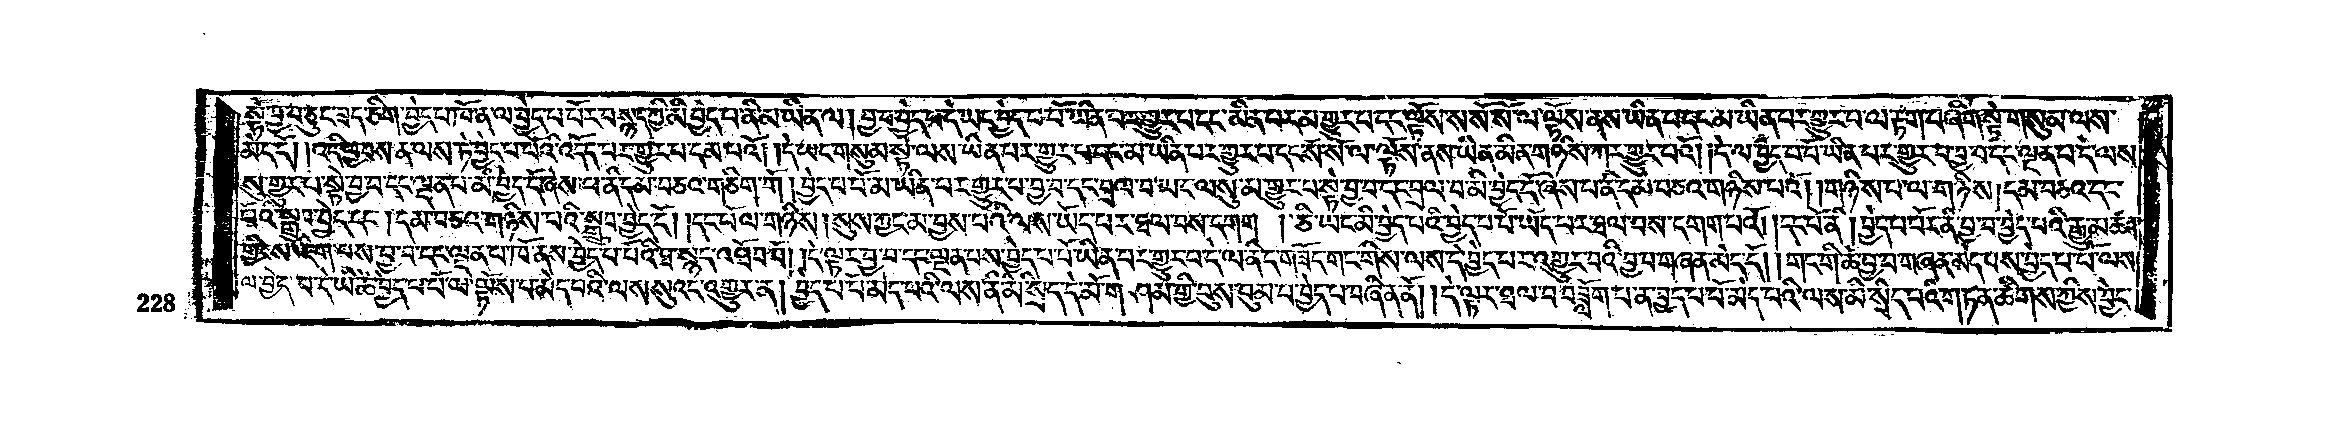སྟེ་བྱ་བ་ཅུང་ཟད་ཅིག་བྱེད་པ་པོར་བསྙད་ཀྱི་མི་བྱེད་པ་ནི་མ་ཡིན་ལ། བྱ་བ་བྱེད་པ་དེ་ཡང་བྱེད་པ་པོ་ཡིན་པར་གྱུར་པ་དང་མིན་པར་མ་གྱུར་པ་དང་ལྟོས་ས་སོ་སོ་ལ་ལྟོས་ནས་ཡིན་པ་དང་མ་ཡིན་པར་གྱུར་པ་ལ་རྟོག་པ་ཞིག་སྟེ་གསུམ་ལས་མེད་དོ།
།འདི་ཕྱ་བསན་ལས་ཏེ་བྱེད་པ་པོའི་འདོད་པར་གྱུར་པ་དམ་པའོ། །དེ་ཡང་གསུམ་སྟེ་ལས་ཡིན་པར་གྱུར་པ་དང་མ་ཡིན་པར་གྱུར་པ་དང་སོ་སོ་ལ་ལྟོས་ནས་ཡིན་མིན་གཉིས་ཀར་གྱུར་པའོ། །དེ་ལ་བྱེད་པ་པོ་ཡིན་པར་གྱུར་པ་བྱ་བ་དང་ལྡན་པ་དེ་ལས་
སུ་གྱུར་པ་སྟེ་བྱ་བ་དང་ལྡན་པ་མི་བྱེད་དོ་ཞེས་པ་ནི་དམ་བཅའ་གཅིག་གོ །བྱེད་པ་པོ་མ་ཡིན་པར་གྱུར་པ་བྱ་བ་དང་བྲལ་བ་ཡང་ལ་སུ་མ་གྱུར་པ་སྟེ་བྱ་བ་དང་བྲལ་བ་མི་བྱེད་དོ་ཞེས་པ་ནི་དམ་བཅའ་གཉིས་པའོ། །གཉིས་པ་ལ་གཉིས། དམ་བཅའ་དང་
པོའི་སྒྲུབ་བྱེད་དང་། དམ་བཅའ་གཉིས་པའི་སྒྲུབ་བྱེད་དོ། །དང་པོ་ལ་གཉིས། སུས་ཀྱང་མ་བྱས་པའི་ལས་ཡོད་པར་ཐལ་བས་དགག །ཅི་ཡང་མི་བྱེད་པའི་བྱེད་པ་པོ་ཡོད་པར་ཐལ་བས་དགག་པའོ། །དང་པོ་ནི། བྱེད་པ་པོར་ནི་བྱ་བ་བྱེད་པའི་རྒྱུ་མཚན་
གྱིས་འཇིག་པས་བྱ་བ་དང་ལྡན་པ་ཁོ་ནས་བྱེད་པ་པོའི་ཐ་སྙད་འཐོབ་བོ། །དེ་ལྟར་བྱ་བ་དང་ལྡན་པས་བྱེད་པ་པོ་ཡིན་པར་གྱུར་པ་དེ་ལ་ནི་ད་གཟོད་གང་གིས་ལས་དེ་བྱེད་པར་འགྱུར་བའི་བྱ་བ་གཞན་མེད་དོ། །གང་གི་ཚེ་བྱ་བ་གཞན་མེད་པས་བྱེད་པ་པོ་ལས་
ལ་བྱེད་པ་དེ་ཡི་ཚེ་བྱེད་པ་པོ་ལ་ལྟོས་པ་མེད་པའི་ལས་སུའང་འགྱུར་ན། བྱེད་པ་པོ་མེད་པའི་ལས་ནི་མི་སྲིད་དེ་མོ་གཤམ་གྱི་བུས་བུམ་པ་བྱེད་པ་བཞིན་ནོ། །དེ་ལྟར་ཐལ་བ་བཟློག་པ་ན་བྱེད་པ་པོ་མེད་པའི་ལས་མི་སྲིད་པའི་གཏན་ཚིགས་ཀྱིས་བྱེད་